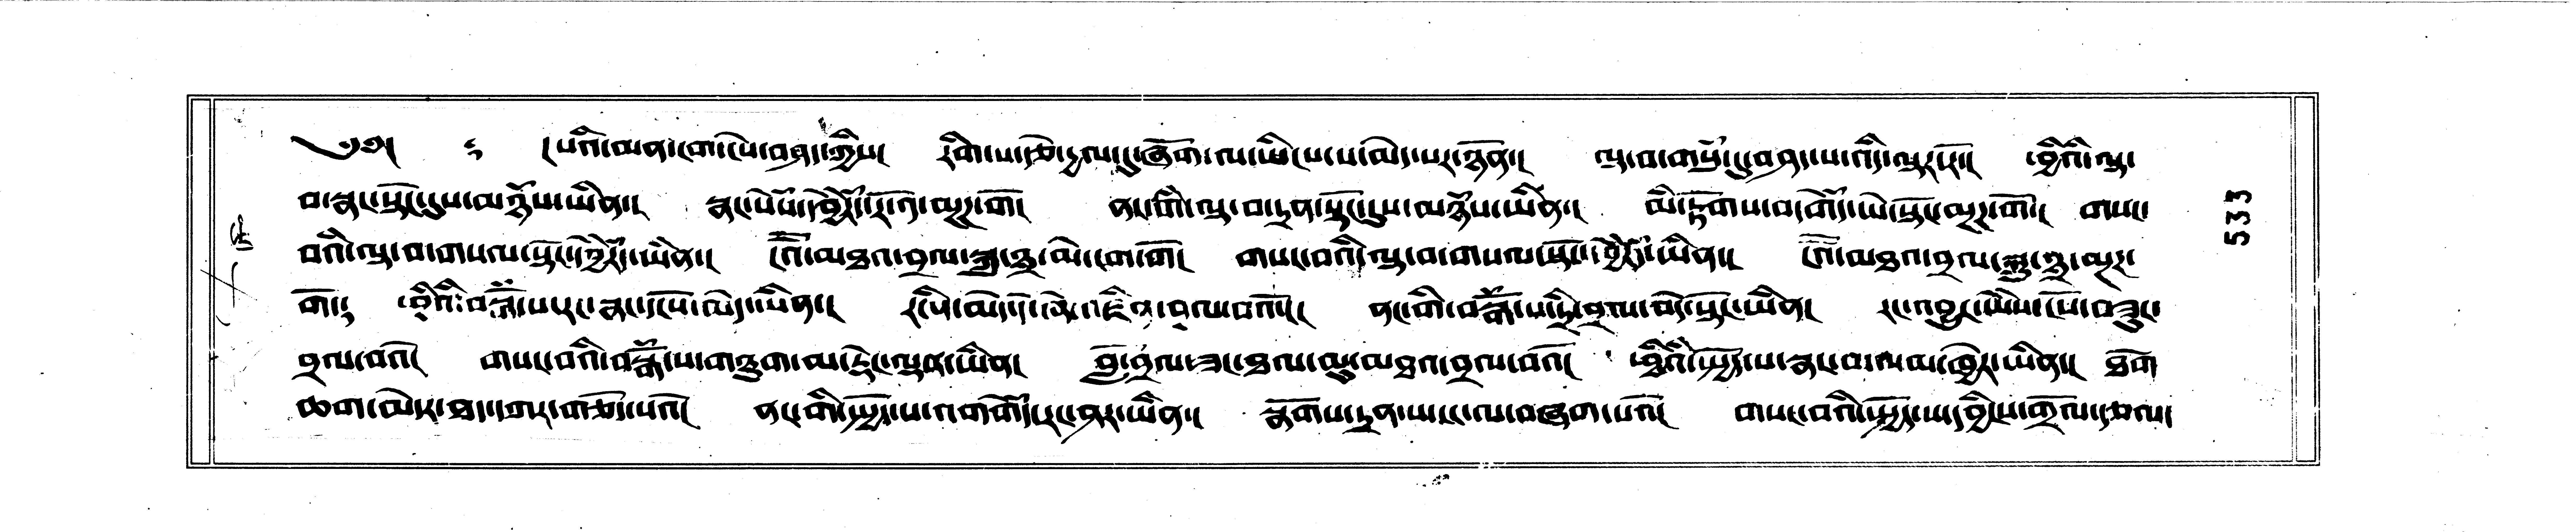པའི་མེན་ངག་ངས་བཤད་ཀྱིས། རིག་པ་རྩེ་རྒྱལ་དུ་ཞོག་ལ་མ་ཡེངས་པ་མེད་པར་ཞོག ལྟ་བ་གསུམ་དུ་བཤད་པ་འདི་ལྟར་རོ། ཕྱིའི་ལྟ
བསྣང་སྟོང་དུས་མཉམ་ཡིན། སྣང་སེམས་དབྱེར་མེད་རོ་ཅིག་མེན་ངག་གོ ནང་གི་ལྟ་བ་དྲན་སྟོང་དུས་མཉམ་ཡིན། མི་རྟོག་བདག་མེད་ཡེ་སྟོང་མེན་ངག་གོ གསང་
བའི་ལྟ་བ་གསལ་སྟོང་དབྱེར་མེད་ཡིན། ངོའོ་མཐའ་བྲལ་སྐུ་གསུམ་མེན་ངག་
གོ ཕྱིའི་སྒོམ་པ་རང་སྣང་དངོས་མེད་ཡིན། རང་བཞིན་མེད་སྟེ་ཞེན་འཛིན་བྲལ་བའོ། ནང་གི་སྒོམ་པ་དྲི་བྲལ་བདེ་སྟོང་ཡིན། རང་འབྱུང་ཡེ་ཤེས་ངོས་བཟུང་
བྲལ་བའོ། གསང་བའི་སྒོམ་པ་གཉུག་མ་ལྡིང་༼གདེང་༽ལྡན་ཡིན། བློ་བྲལ་ཟང་ཏལ་མུ་མཐའ་བྲལ་བའོ། ཕྱིའི་སྤྱོད་པ་སྣང་བ་ལམ་ཁྱེར་ཡིན། ཐོགས་
ཆགས་མེད་པར་ཐད་ཀར་གཅད་པའོ། ནང་གི་སྤྱོད་པ་གྷག་(འགག)་མེད་རང་ཤར་ཡིན། སྣ་ཚོགས་དྲན་པ་ངང་ལ་བཞག་པའོ། གསང་བའི་སྤྱོད་པ་དབྱིངས་དྲོལ་༼གྲོལ༽རྩལ་